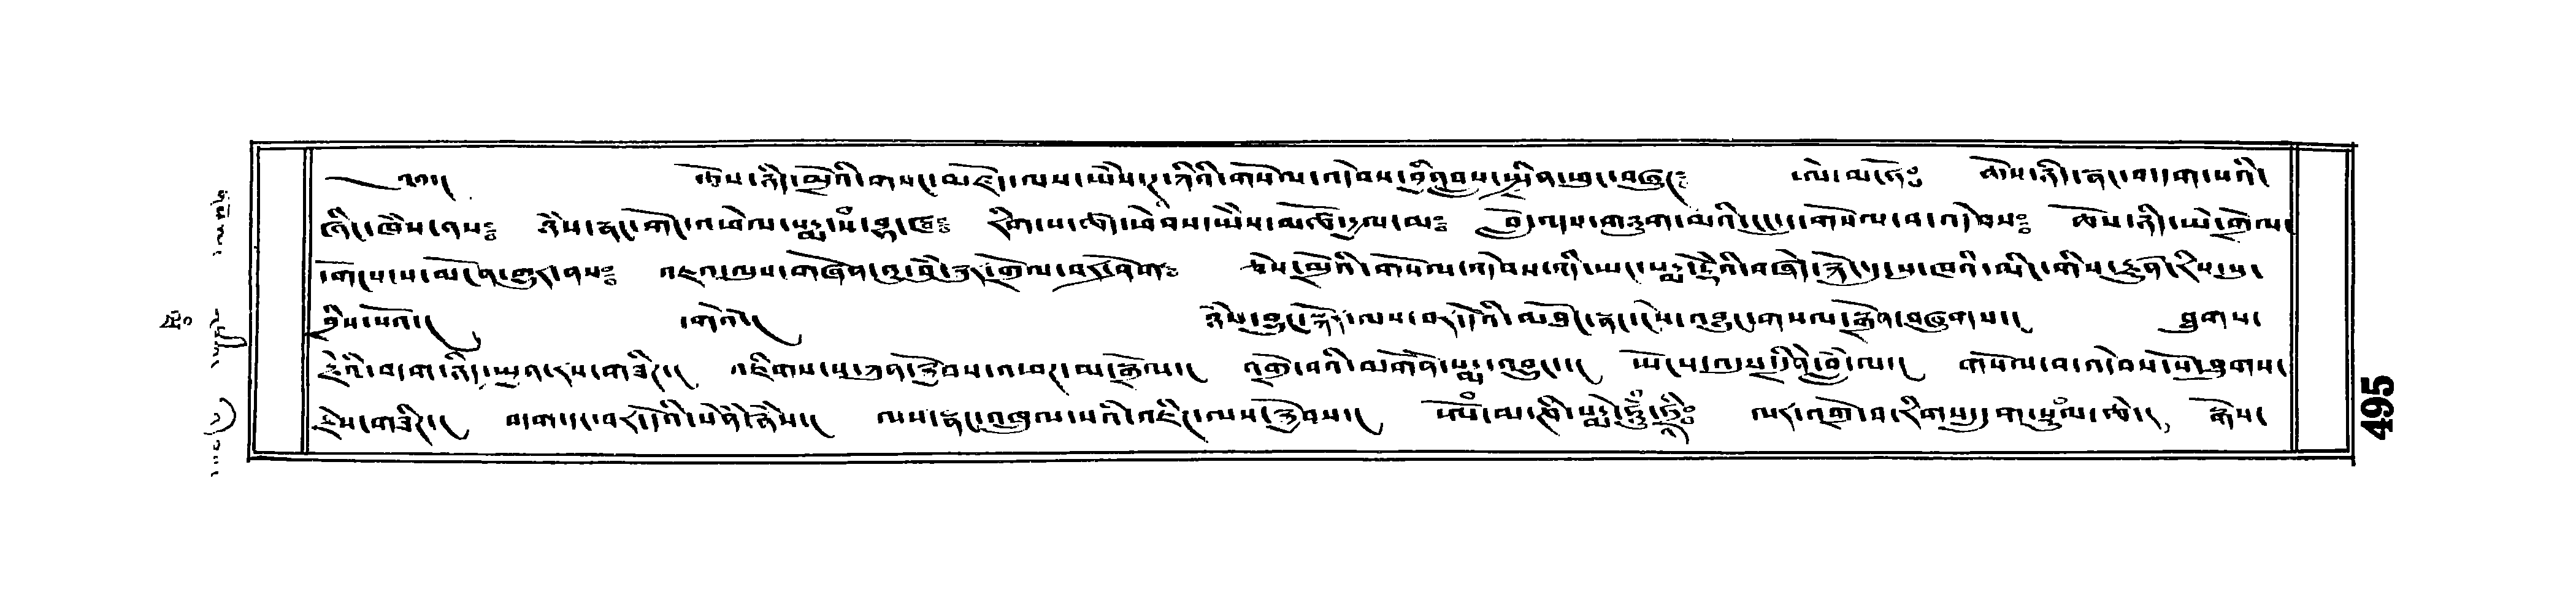ཆོས་ཉིད་མཁའ་འགྲོའི་གསང་མཛོད་ལས༔ ཡེ་ཤེས་ཌཱ་ཀིའི་གསོལ་འདེབས་བྱིན་རླབས་སྤྲིན་ཕུང་བཞུགས༔ ཨེ་མ་ཧོ༔ ཆོས་ཉིད་སྣང་བ་དག་པའི་
ཞིང་ཁམས་ནས༔ ཉམས་སྣང་གོང་འཕེལ་པདྨ་སཾ་བྷ་ཝ༔ རིག་པ་ཚད་ཕེབས་ཡེ་ཤེས་མཚོ་རྒྱལ་མ༔ བློ་འདས་གཉུག་མའི་ངང་དུ་གསོལ་བ་འདེབསཿ ཆོས་ཉིད་ཡེ་གྲོལ་
དགོངས་པ་མངོན་གྱུར་ནས༔ འཇའ་ལུས་གཞོན་ནུ་བུམ་སྐུར་གྲོལ་བར་ཤོག༔ ཅེས་མཁའ་འགྲོའི་གསོལ་འདེབས་འདི་ཡང་པདྨ་རྡོ་རྗེའི་བཞེད་སྐོང་དུ་སུ་ཁའི་མིང་གིས་རྫུན་རིས་སུ་
བྲིས་པའོ།། དགེའོ།། ཉམས་བྱུང་སྐོར་ལས་བར་དོའི་མཐོང་སྣང་ངེས་འབྱུང་གསལ་སྒྲོན་བཞུགས། ཐུགས་
རྗེའི་བདག་ཉིད་སྤྱན་རས་གཟིགས། །འཇིགས་པ་ཀུན་སྐྱོབས་འཕགས་མ་སྒྲོལ། །འགྲོ་བའི་མགོན་པོ་པདྨ་འབྱུང་། །ཡོངས་འདུས་དྲིན་ཆེན་བླ་མ་ལ། །གསོལ་བ་འདེབས་སོ་ཐུགས་
རྗེས་གཟིགས། །བདག་དང་བར་དོའི་སེམས་ཅན་རྣམས། །ལས་སྣང་འཁྲུལ་པའི་འཇིགས་ལས་སྐྱོབས། ཨོཾ་མ་ཎི་པདྨེ་ཧཱུྃ་ཧྲཱིཿ ལར་འགྲོ་བ་རིགས་དྲུག་སྡུག་བསྔལ་ཆེ། །སྒོས་